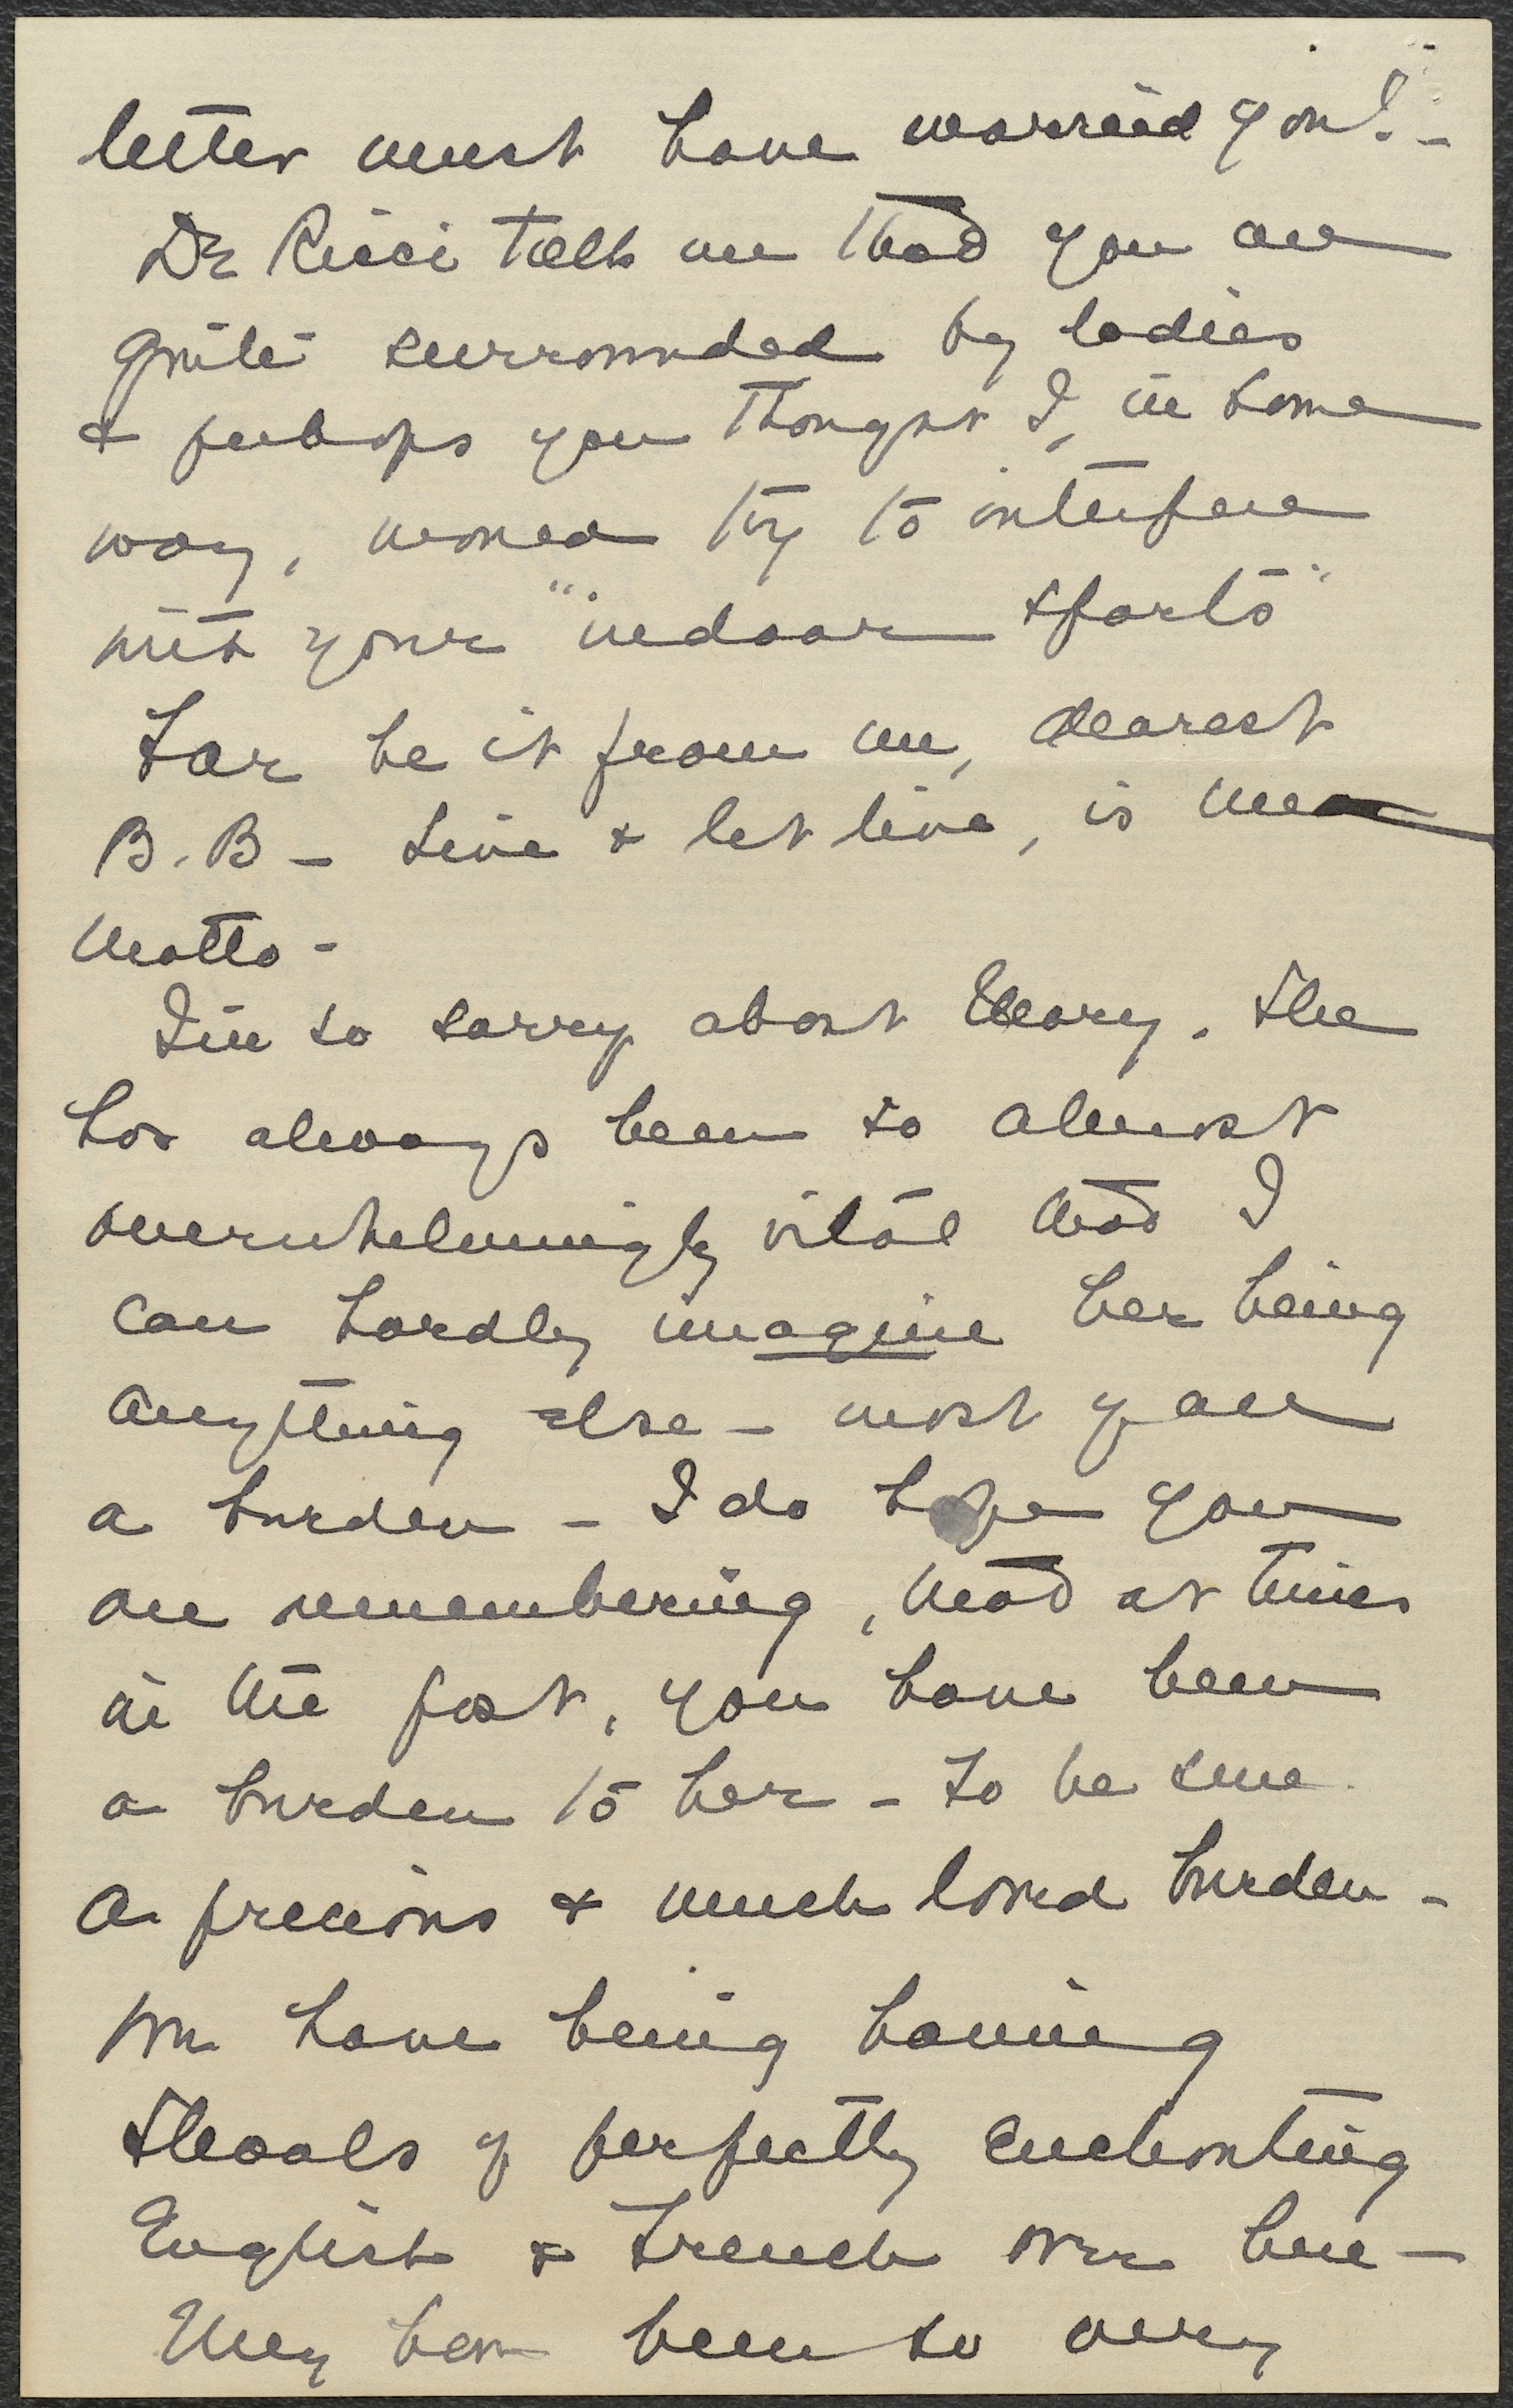letter must have worried you!
Dr. Ricci tells me that you are quite surrounded by ladies & perhaps you thought I, in some way, would try to interfere with your "indoor sports" Far be it from me, dearest B.B – live & let live, is my motto –
I'm so sorry about Mary. She has always been so almost overwhelmingly vital that I can hardly imagine her being anything else – most of all a burden – I do hope you are remembering, that at times in the past, you have been a burden to her – To be sure a precious & much loved burden – we have being [sic] having shoals of perfectly enchanting English & French over here – they have been so very